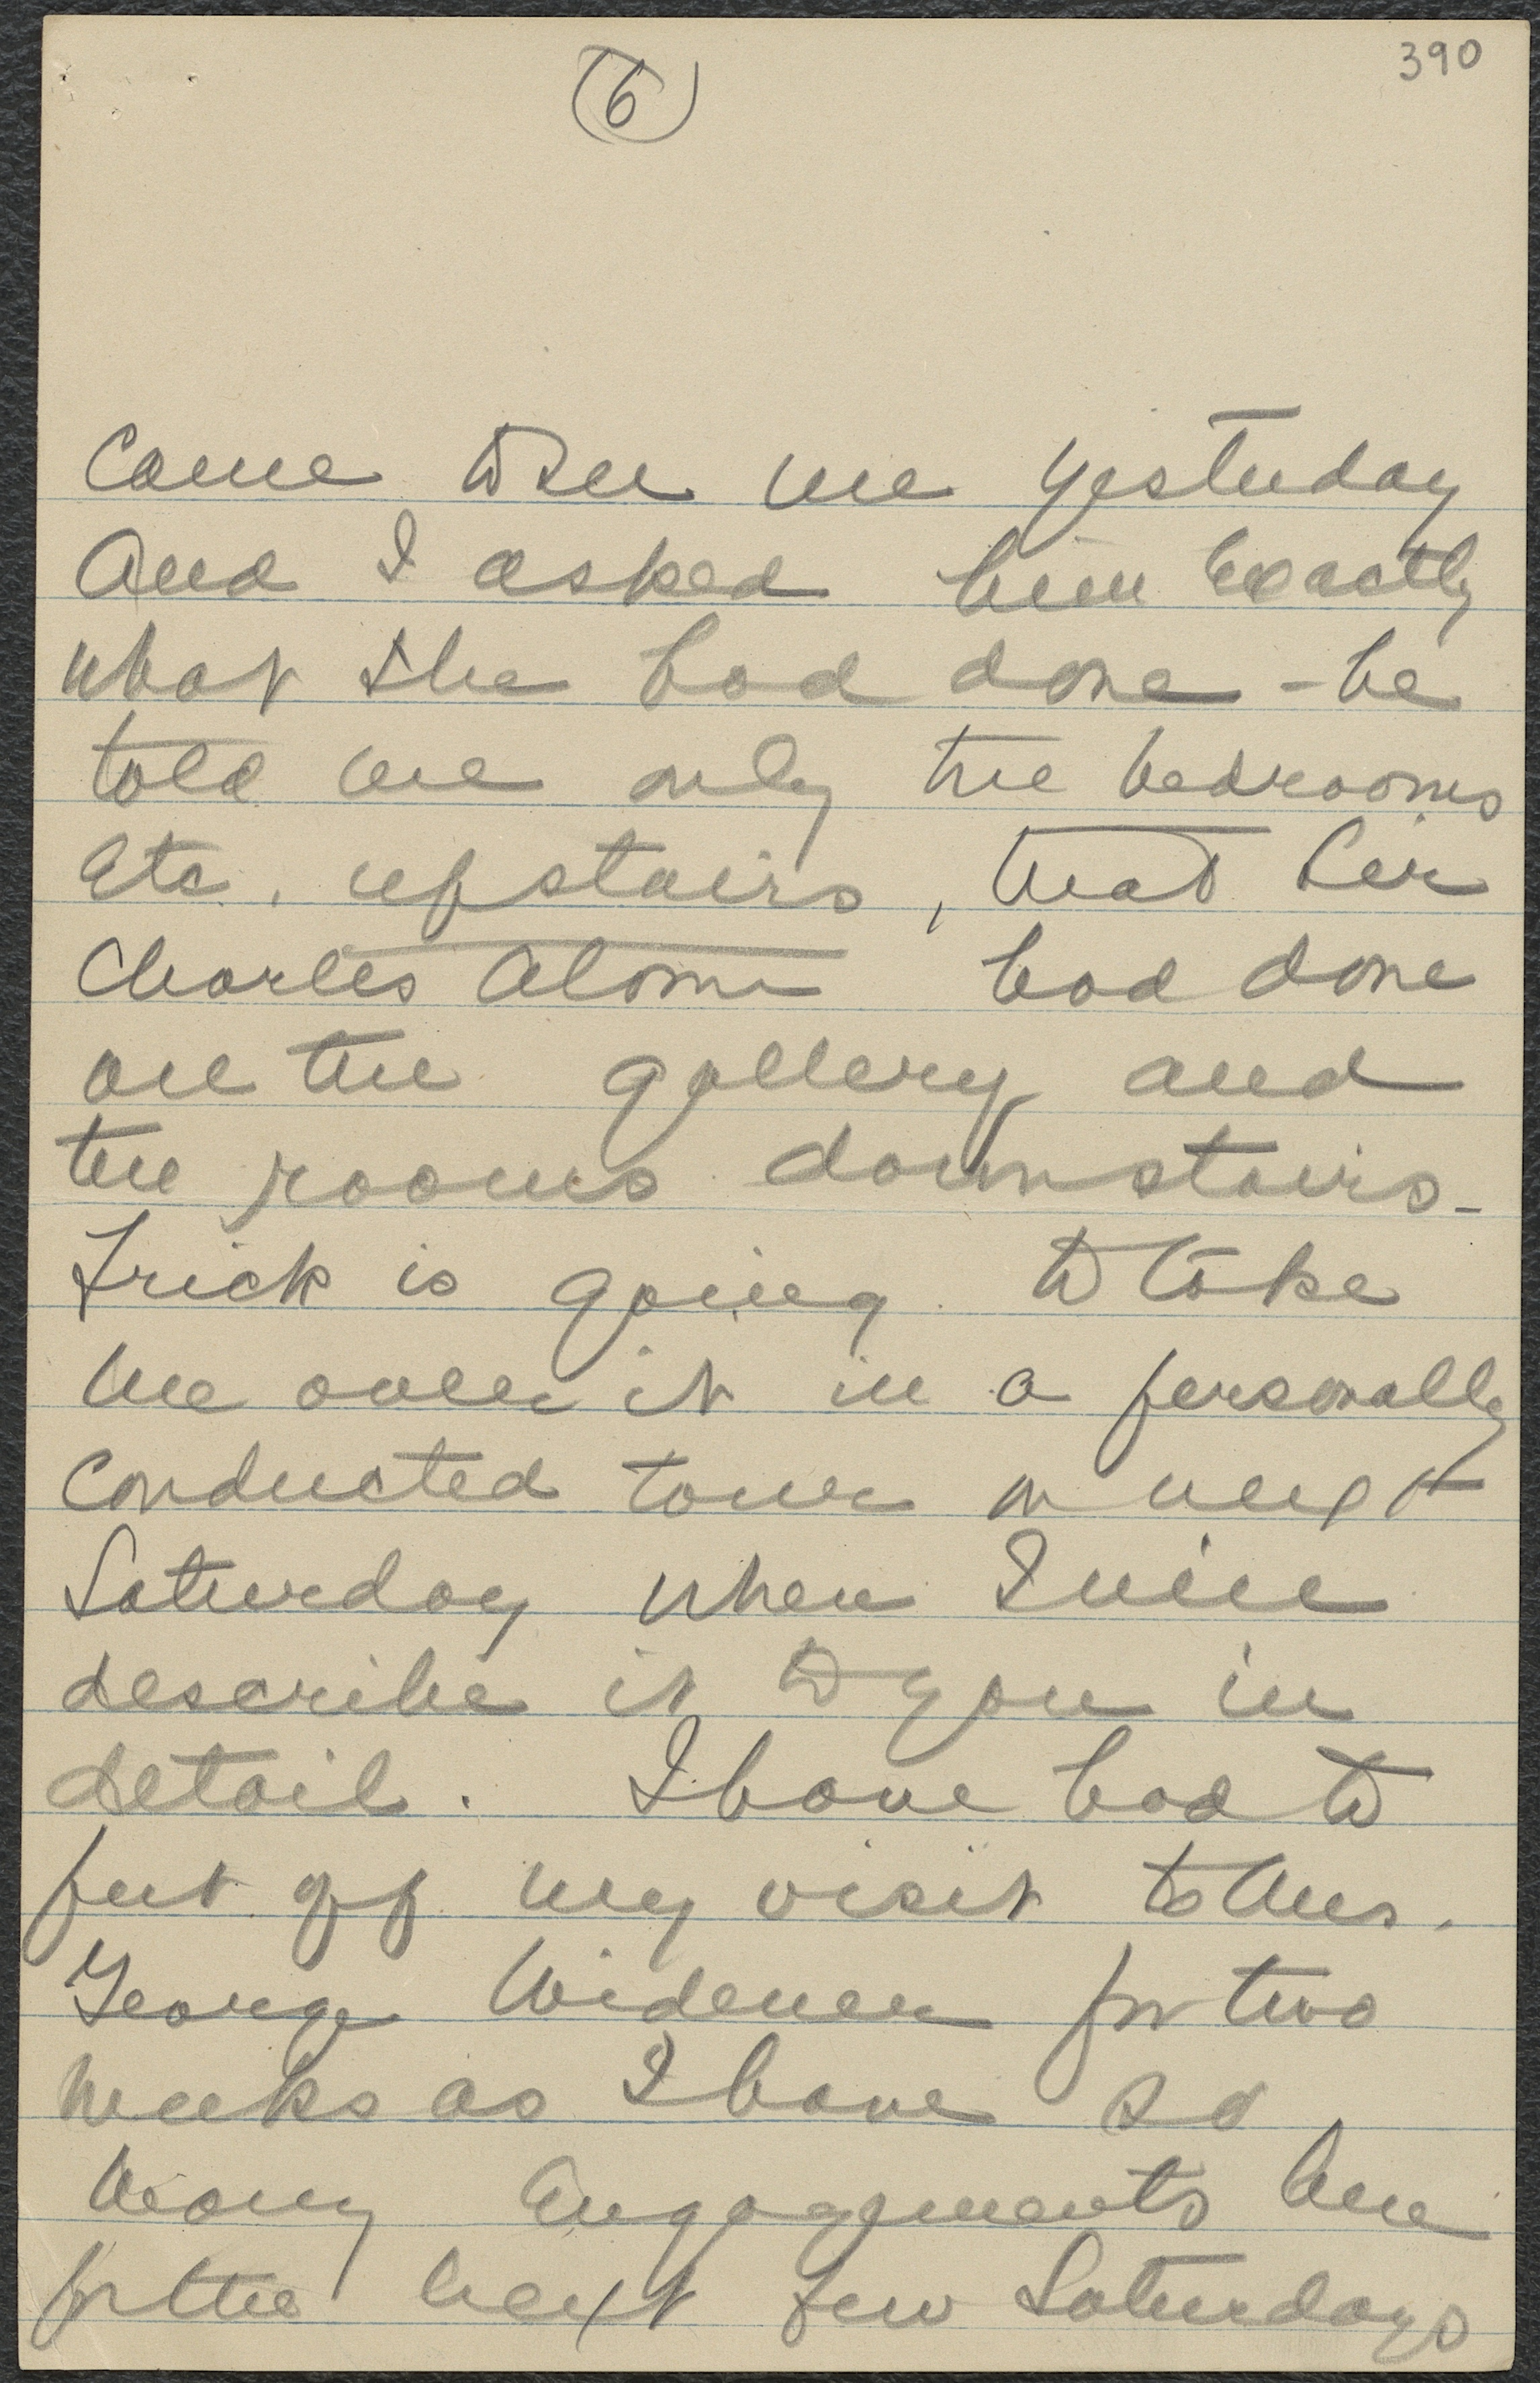came to see me yesterday and I asked him exactly what she had done – he told me only the bedrooms etc. upstairs, that Sir Charles Allom had done all the gallery and the rooms downstairs. Frick is going to take me over it in a personally conducted tour on next Saturday when I will describe it to you in detail. I have had to put off my visit to Mrs. George Widener for two weeks as I have so many engagements here for the next few Saturdays